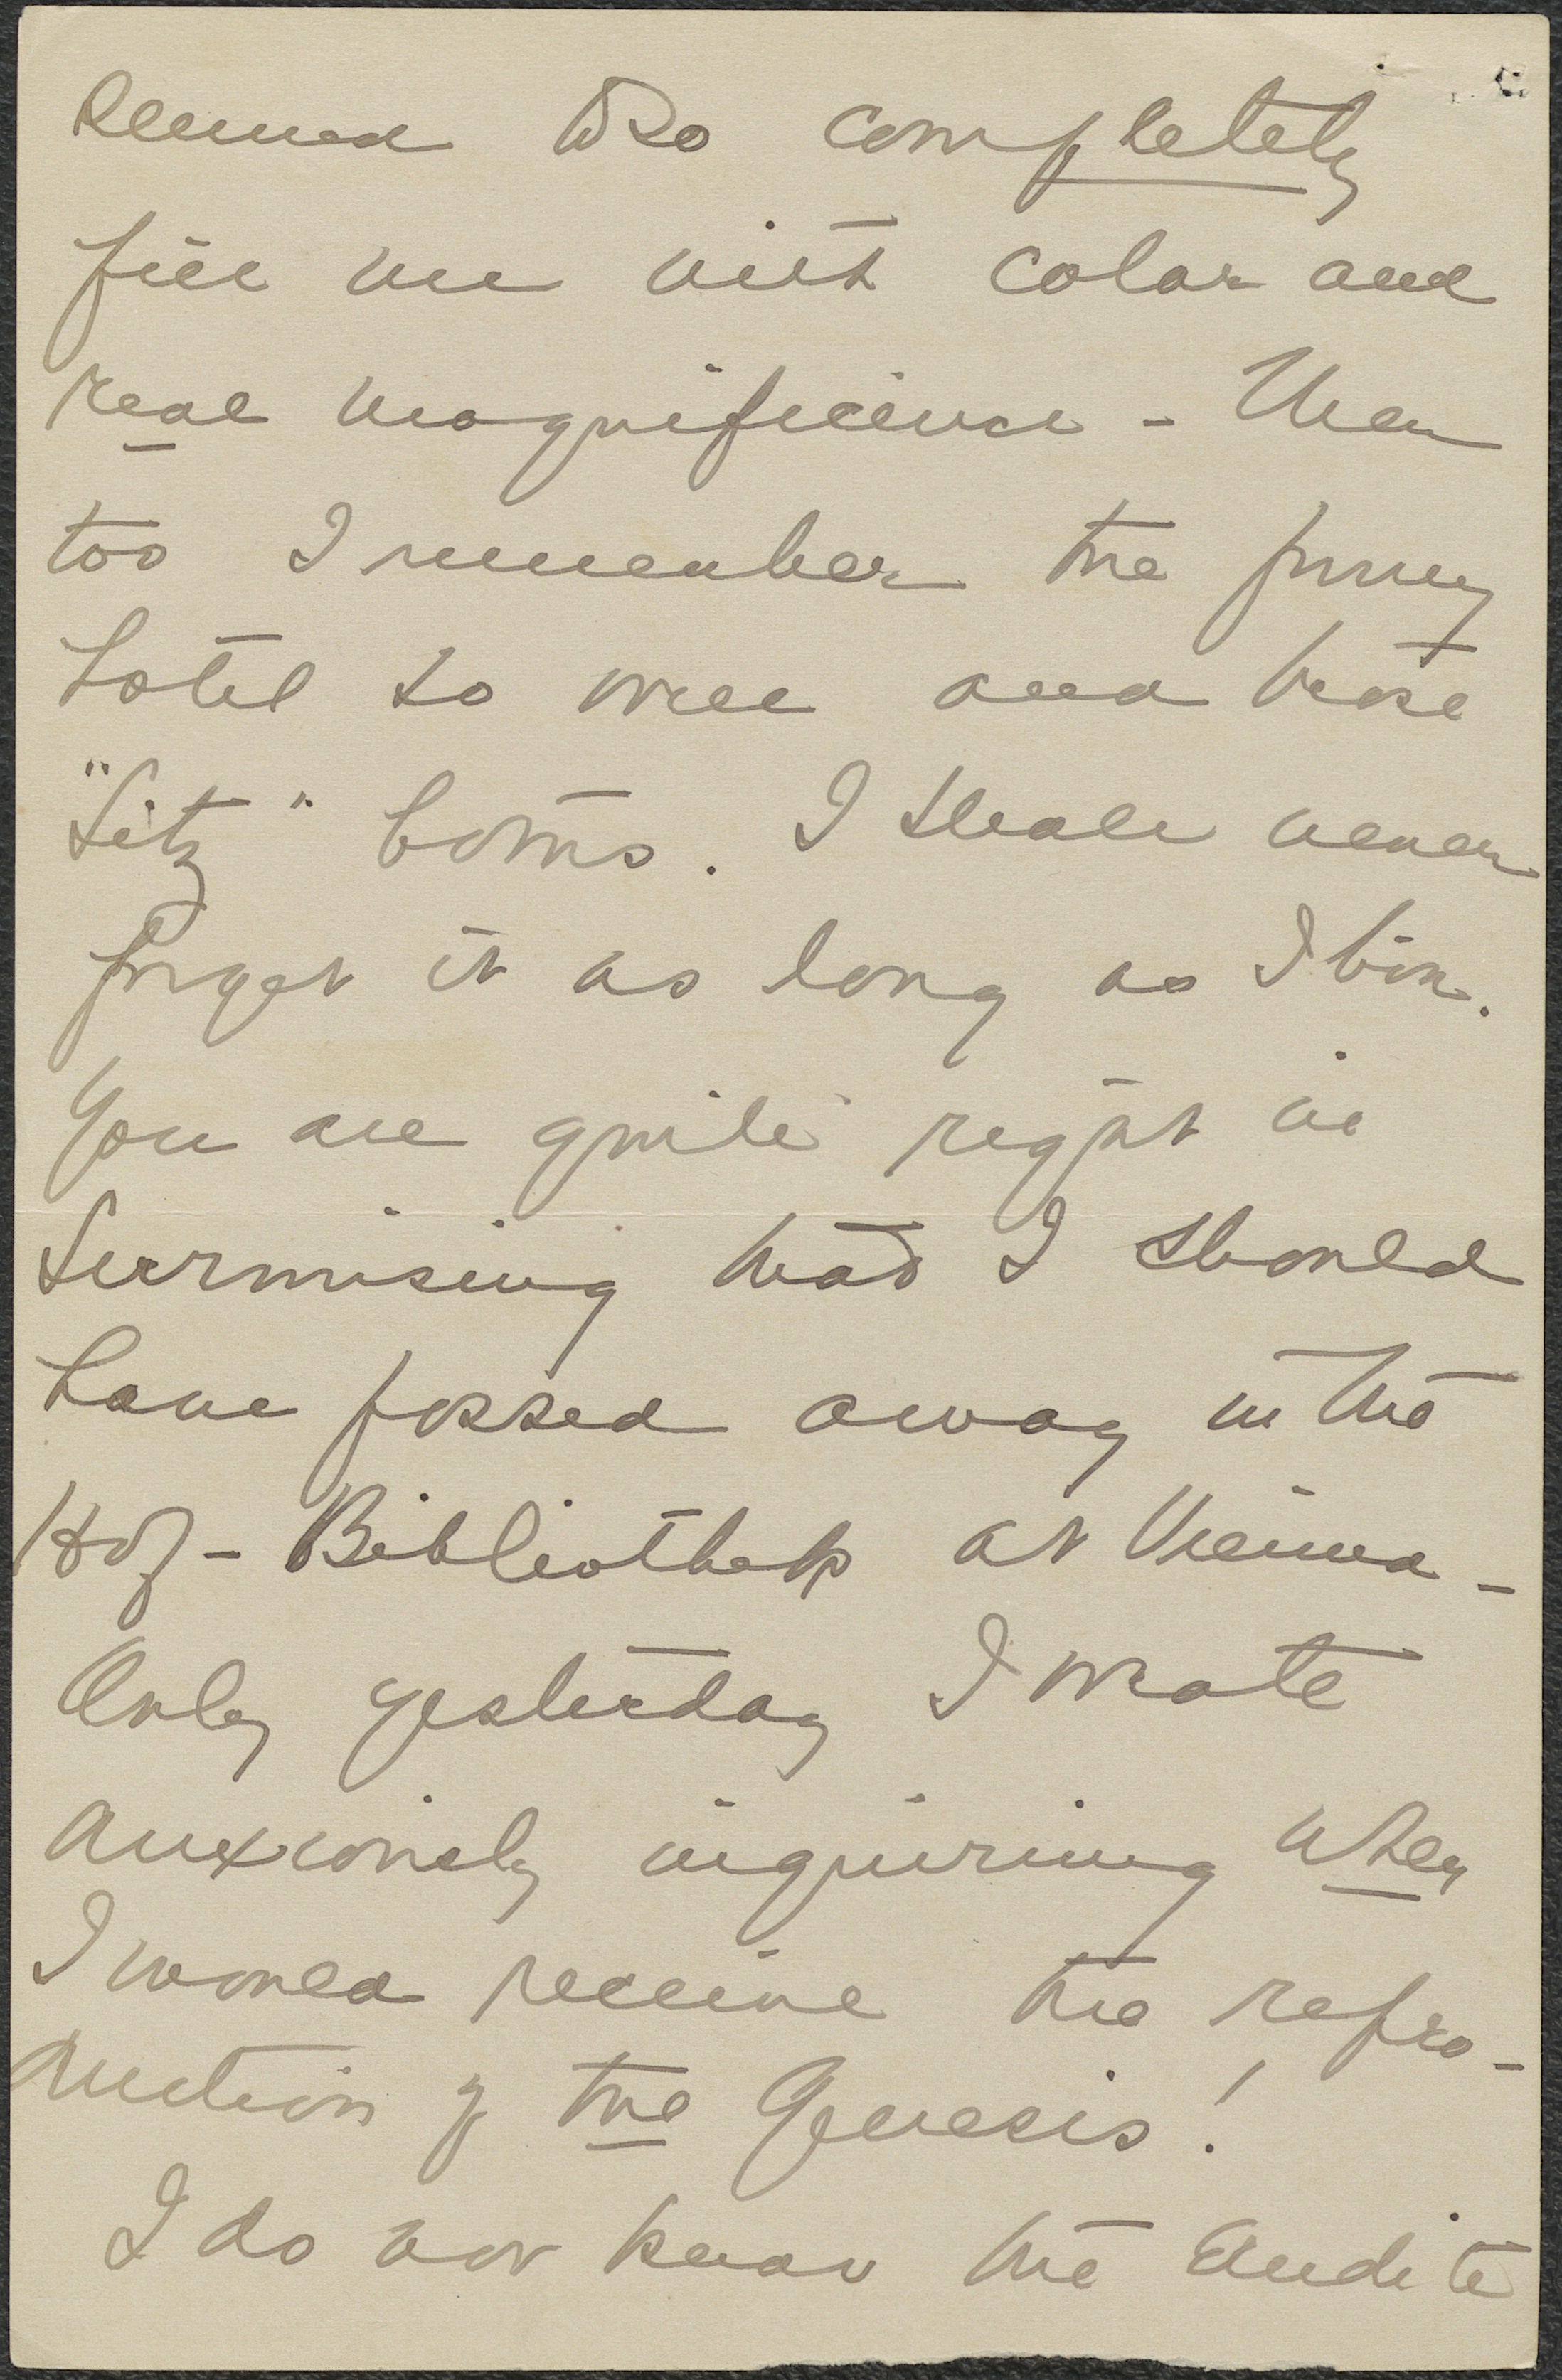seemed to so completely fill me with color and real magnificence – Then too I remember the funny hotel so well and those “Litz” baths. I shall never forget it as long as I live. You are quite right in surmising that I should have passed away in the Hob-Bibliothek at Vienna – Only yesterday I wrote anxiously inquiring when I would receive the reproduction of the Genesis!
I do not have the erudite